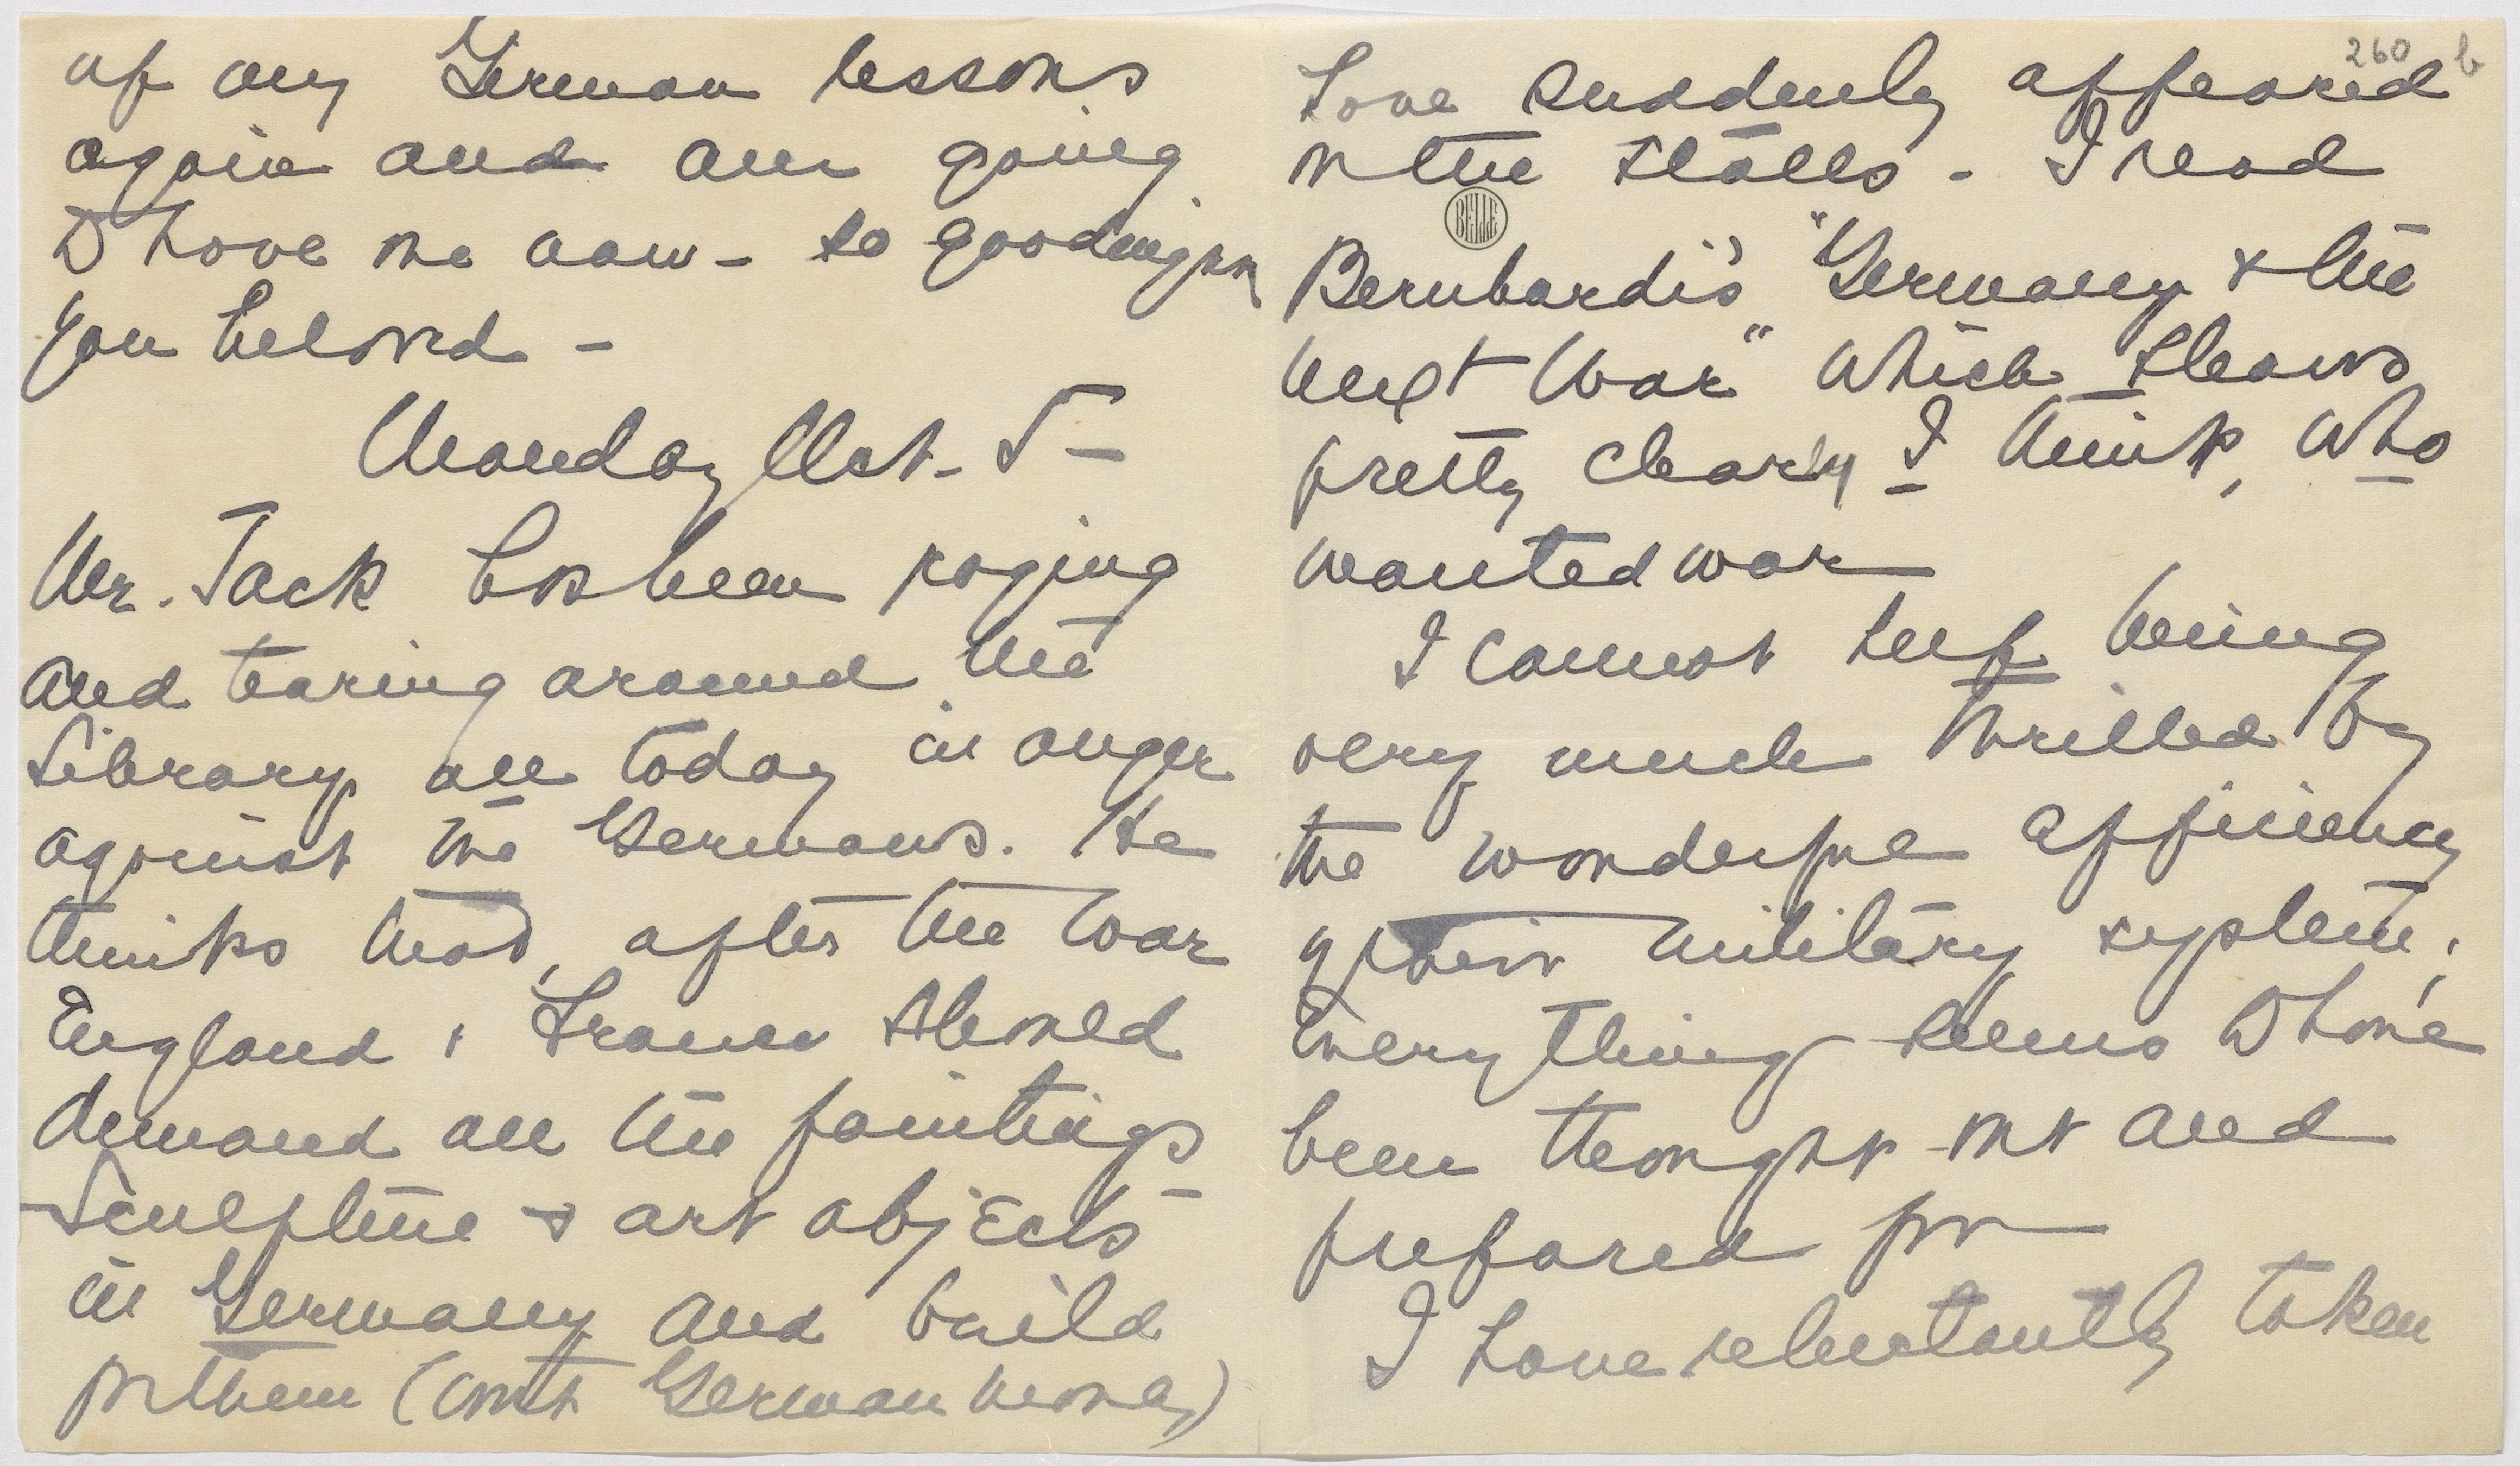have suddenly appeared on the stalls – I read Bernhardi’s “Germany & the Next War” which shows pretty clearly I think, who wanted war
I cannot help being very much thrilled by the wonderful efficiency of their military system; Everything seems to have been thought out and prepared for
I have reluctantly taken
up my German lessons again and am going to have one now – so goodnight you beloved –
Monday Oct. 5 –
Mr. Jack has been raging and tearing around the Library all today in anger against the Germans. He thinks that, after the War, England & France should demand all the paintings sculpture & art objects in Germany and build for them (with German money)